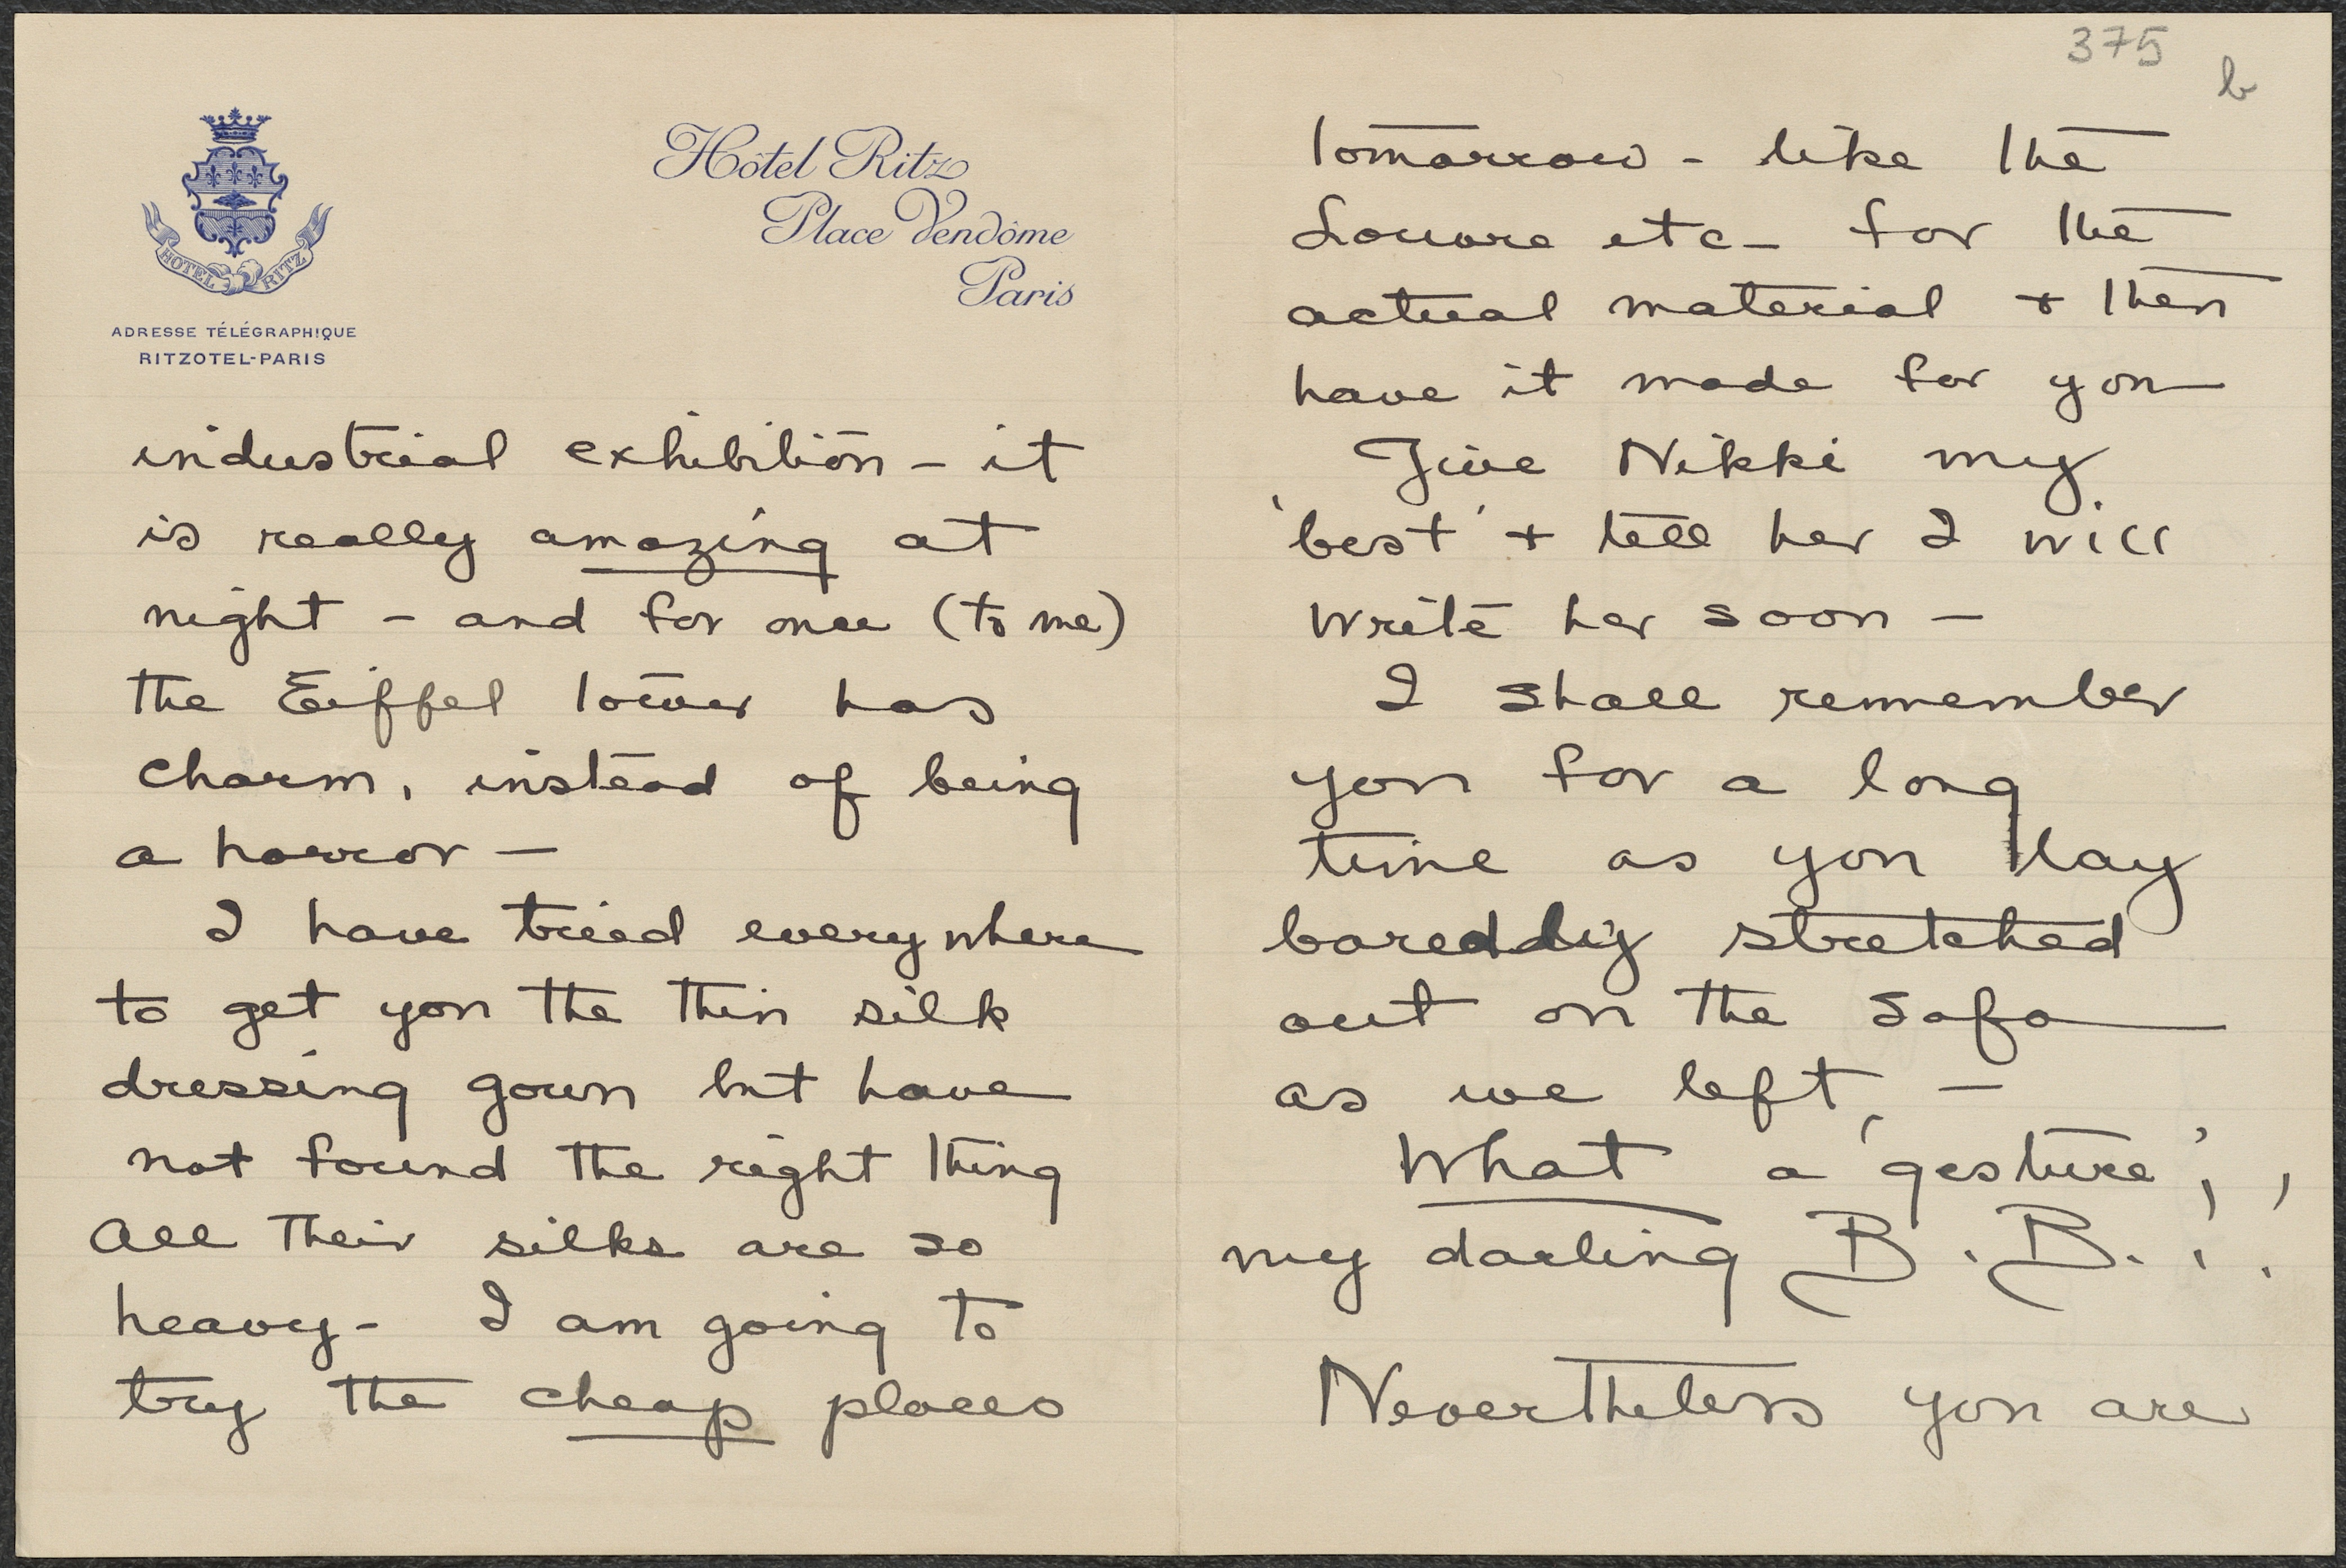industrial exhibition – it is really amazing at night – and for once (to me) the Eiffel tower has charm, instead of being a horror –
I have tried everywhere to get you the thin silk dressing gown but have not found the right thing All their silks are so heavy – I am going to try the cheap places
tomorrow – like the Louvre etc – for the actual material & then have it made for you –
Give Nikki my ‘best’ & tell her I will write her soon –
I shall remember you for a long time as you lay boredly stretched out on the sofa as we left –
What a ‘gesture’ my darling B.B.!!
Nevertheless you are